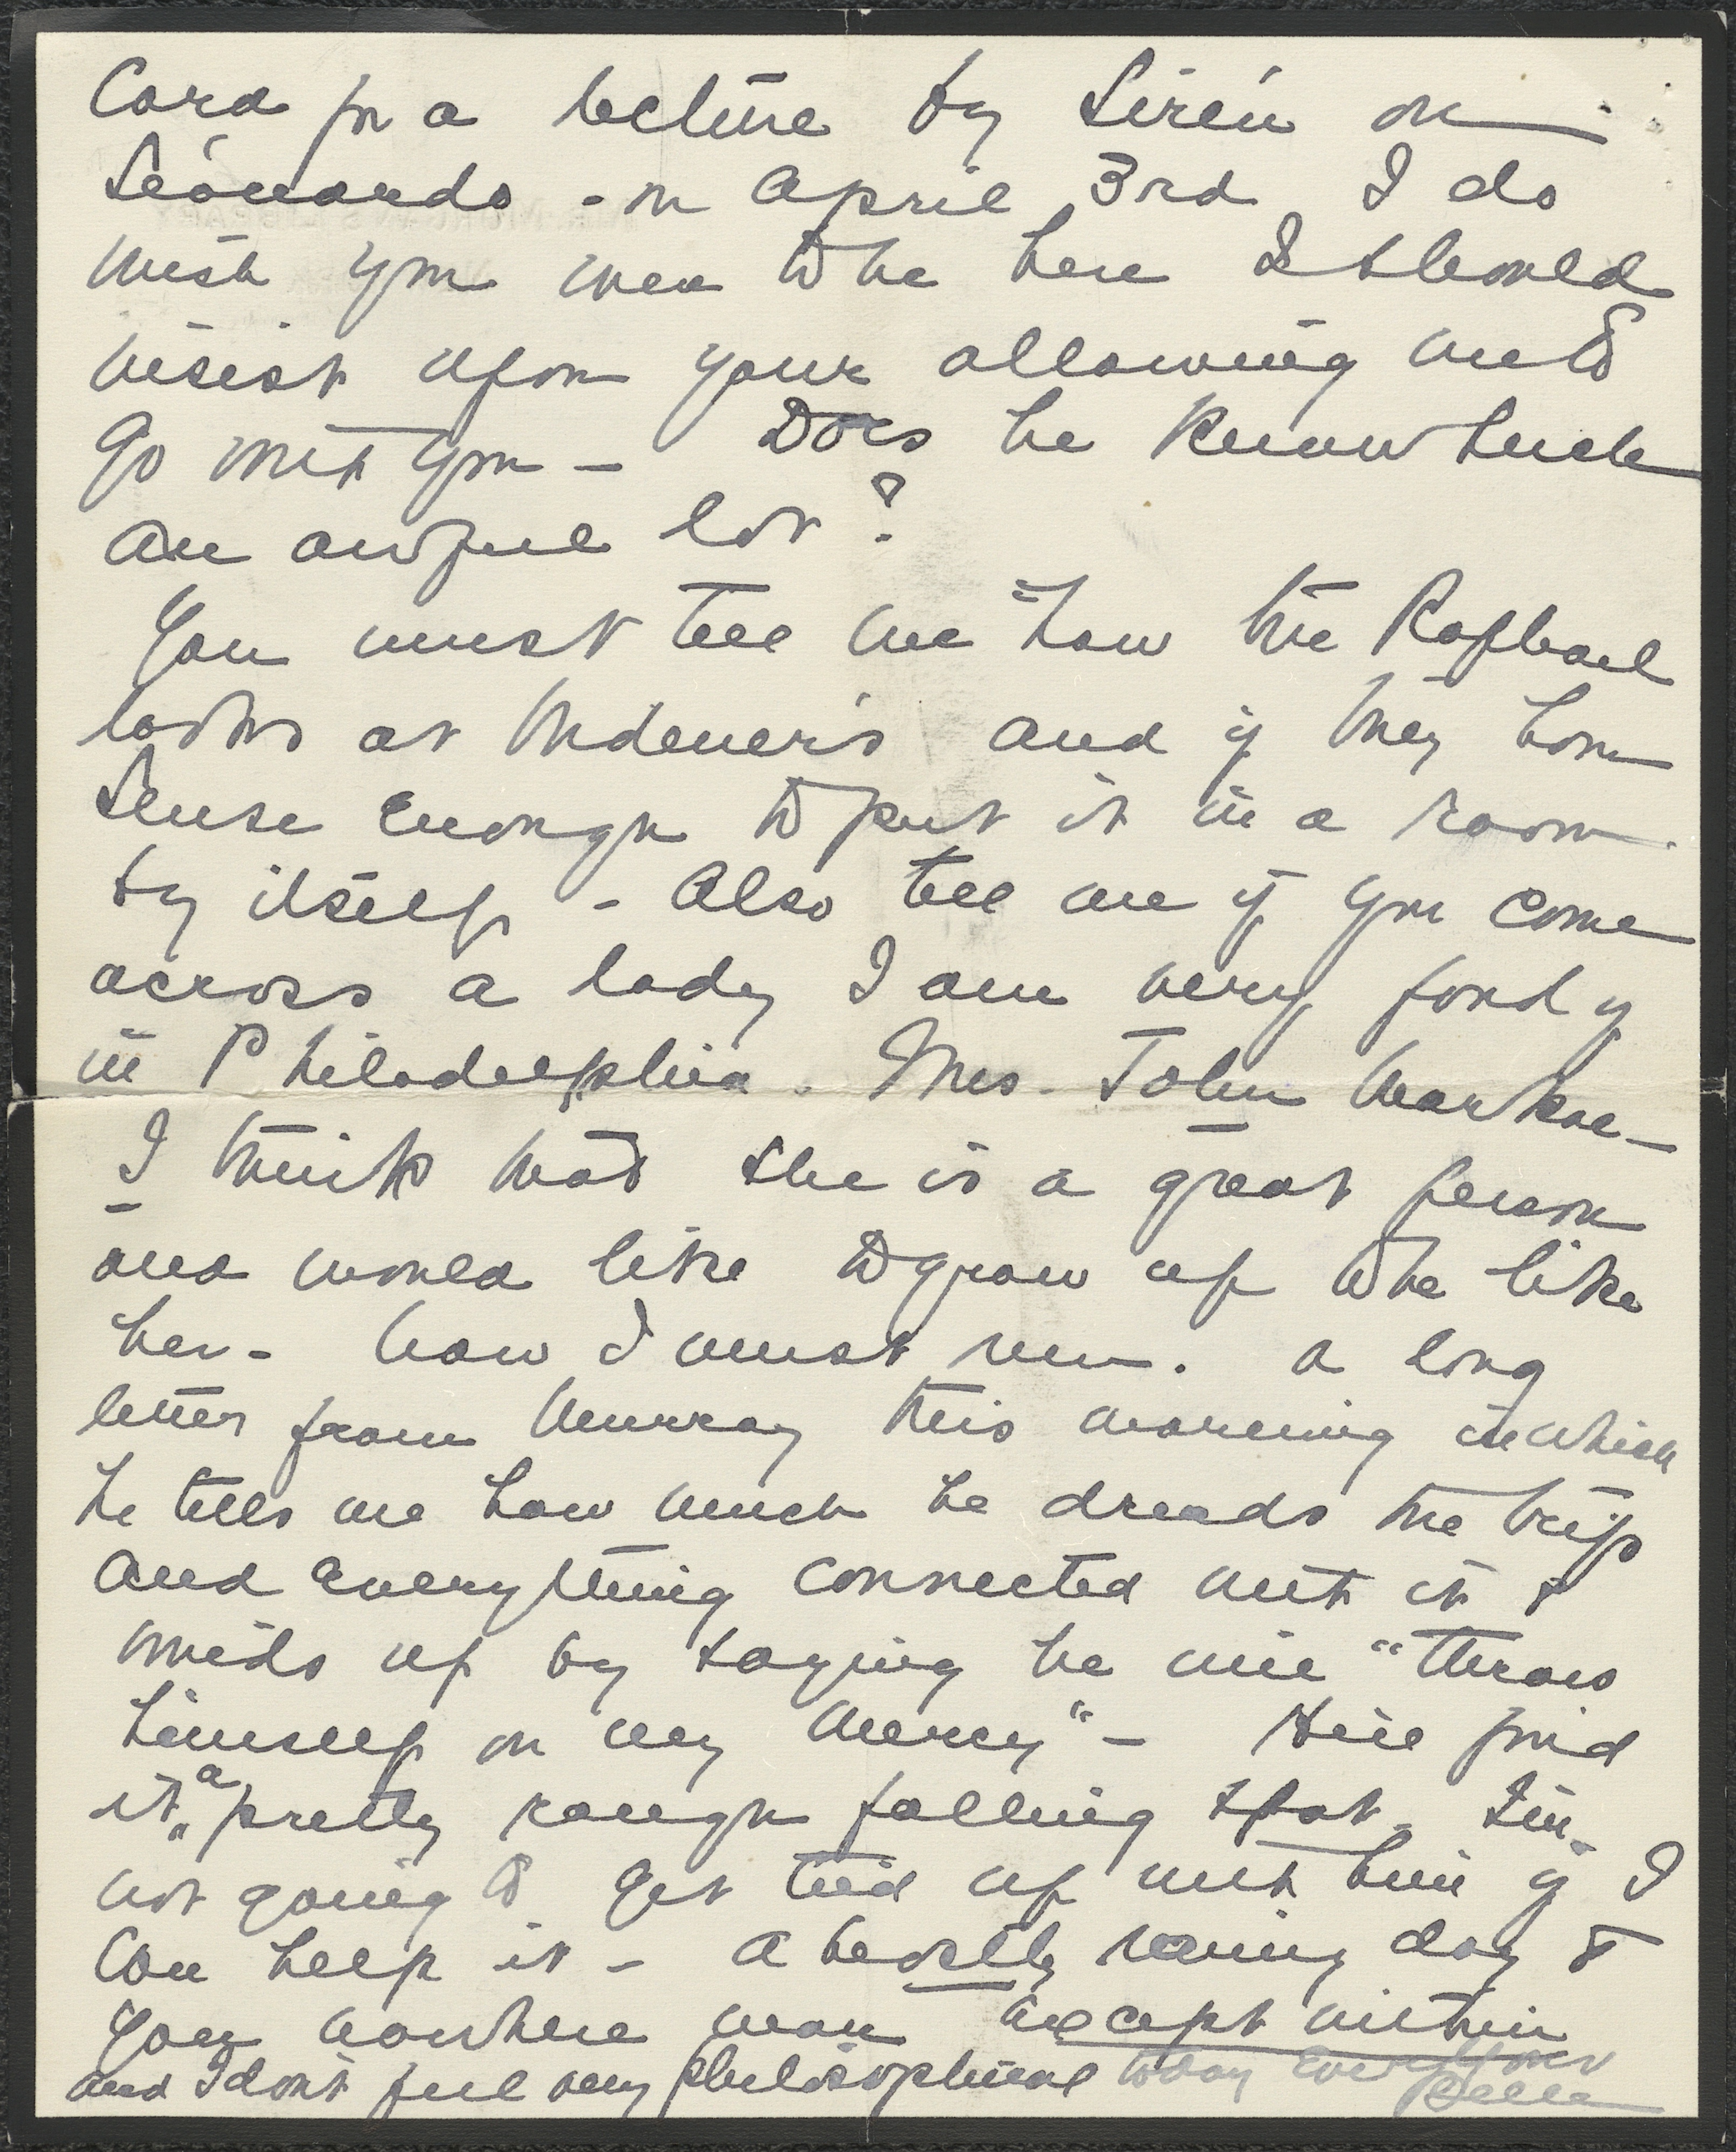card for a lecture by Sirén on Leonardo – on April 3rd I do wish you were to be here I should insist upon your allowing me to go with you – Does he know such an awful lot?
You must tell me how the Raphael looks at Widener’s and if they have sense enough to put it in a room by itself – also tell me if you came across a lady I am very fond of in Philadelphia, Mrs. John Markoe – I think that she is a great person and would like to grow up to be like her – Now I must run. a long letter from Murray this morning in which he tells me how much he dreads the trip and everything connected with it & winds up by saying he will “throw himself on my mercy” – He’ll find it [^a^] pretty rough falling spot. I’m not going to get tied up with him if I can help it – a beastly rainy day & you nowhere man except within and I don’t feel any philosophical today Ever Your Belle